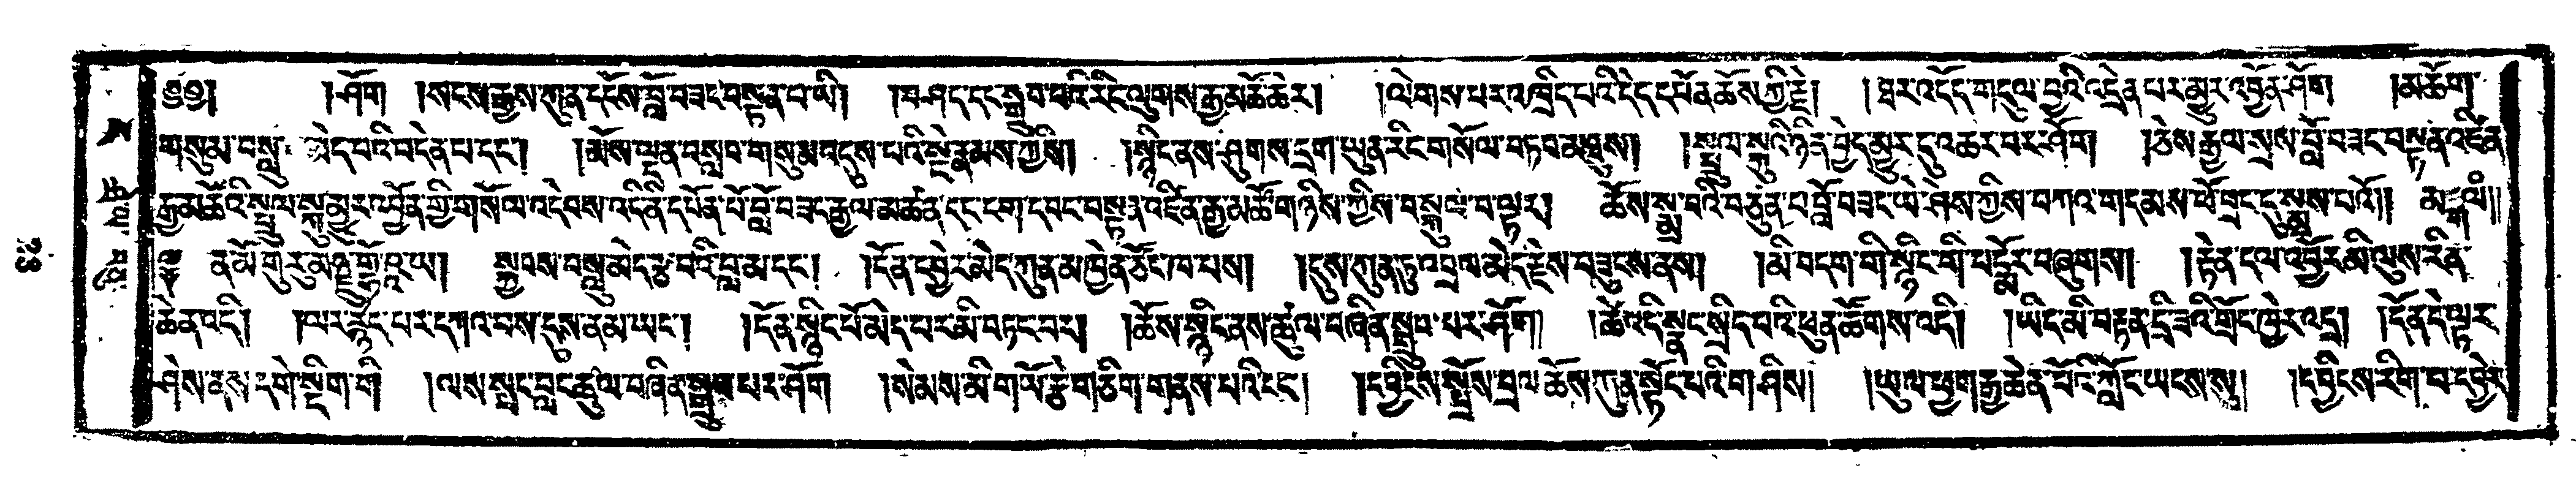༄༅། །ཤོག །སངས་རྒྱས་ཀུན་དངོས་བློ་བཟང་བསྟན་པ་ཡི། །བཤད་དང་སྒྲུབ་པའི་རིང་ལུགས་རྒྱ་མཚོ་ཆེར། །ལེགས་པར་འཁྲིད་པའི་དེད་དཔོན་ཆོས་ཀྱི་རྗེ། །ཐར་འདོད་གདུལ་བྱའི་འདྲེན་པར་མྱུར་འབྱོན་ཤོག །མཆོག་
གསུམ་བསླུ་བ་མེད་པའི་བདེན་པ་དང་། །མོས་ལྡན་བསླབ་གསུམ་འདུས་པའི་སྡེ་རྣམས་ཀྱིས། །སྙིང་ནས་ཤུགས་དྲག་ཡུན་རིང་གསོལ་བཏབ་མཐུས། །སྤྲུལ་སྐུའི་ཉིན་བྱེད་མྱུར་དུ་འཆར་བར་ཤོག །ཅེས་རྒྱལ་སྲས་བློ་བཟང་བསྟན་འཛིན་
རྒྱ་མཚོའི་སྤྲུལ་སྐུ་མྱུར་འབྱོན་གྱི་གསོལ་འདེབས་འདི་ནི་དཔོན་པོ་བློ་བཟང་རྒྱལ་མཚན་དང་ངག་དབང་བསྟན་འཛིན་རྒྱ་མཚོ་གཉིས་ཀྱིས་བསྐུལ་བ་ལྟར། ཆོས་སྨྲ་བའི་བཙུན་པ་བློ་བཟང་ཡེ་ཤེས་ཀྱིས་བཀའ་གདམས་ཕོ་བྲང་དུ་སྨྲས་པའོ།། མངྒལཾ།།
༈ ན་མོ་གུ་རུ་མཉྫུ་གྷོ་ཥཱ་ཡ། སྐྱབས་བསླུ་མེད་རྩ་བའི་བླ་མ་དང་། །དོན་དབྱེར་མེད་ཀུན་མཁྱེན་ཙོང་ཁ་པས། །དུས་ཀུན་ཏུ་འབྲལ་མེད་རྗེས་བཟུངས་ནས། །མི་བདག་གིས་ཉིང་གི་པདམོར་བཞུགས། །རྟེན་དལ་འབྱོར་མི་ལུས་རིན་
ཆེན་འདི། །ལར་རྙེད་པར་དཀའ་བས་དུས་ནམ་ཡང་། །དོན་སྙིང་པོ་མེད་པར་མི་བཏང་བར། །ཆོས་སྙིང་ནས་ཚུལ་བཞིན་སྒྲུབ་པར་ཤོག། །ཚེ་འདི་སྣང་སྲིད་པའི་ཕུན་ཚོགས་འདི། །ཡིད་མི་བརྟན་དྲི་ཟའི་གྲོང་ཁྱེར་འདྲ། །དོན་དེ་ལྟར་
ཤེས་ནས་དགེ་སྡིག་གི །ལས་སྤང་བླང་ཚུལ་བཞིན་སྒྲུབ་པར་ཤོག །སེམས་མི་གཡོ་རྩེ་གཅིག་གནས་པའི་ངང་། །དབྱིངས་སྤྲོས་བྲལ་ཆོས་ཀུན་སྟོང་པའི་གཤིས། །ཡུལ་ཕྱག་རྒྱ་ཆེན་པོའི་ཀློང་ཡངས་སུ། །དབྱིངས་རིག་བ་དབྱེར་